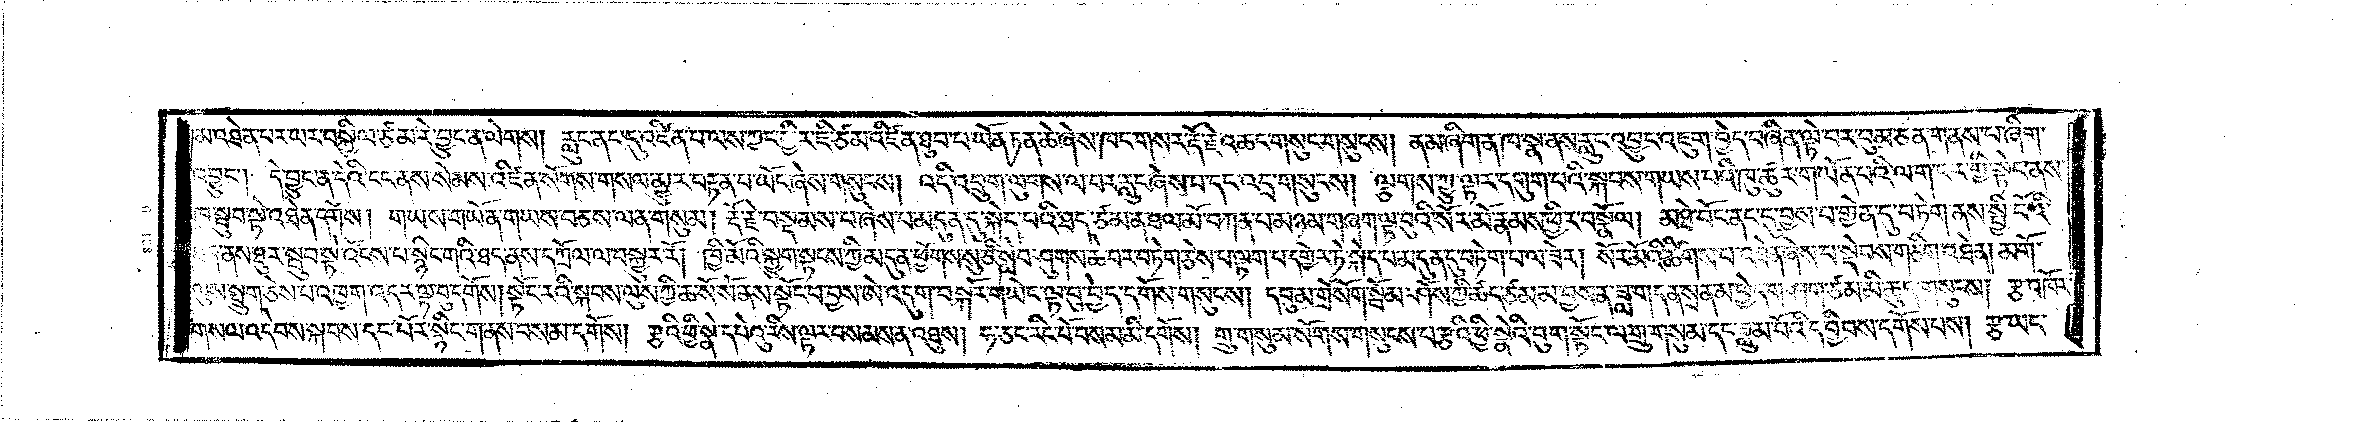མ་འཐེན་པར་ཡར་བསྐྱིལ་ཙམ་རེ་བྱུང་ན་ལེགས། རླུང་ནང་དུ་འཛིན་པ་ལས་ཀྱང་ཕྱིར་ཇི་ཙམ་འཛིན་ཐུབ་པ་ཡོན་ཏན་ཆེ་ཞེས་ཁང་གསར་རྡོ་རྗེ་འཆང་གསུང་གསུངས། ནམ་ཞིག་ན་ཁ་སྣ་ནས་རླུང་འབྱུང་འཇུག་བྱེད་བཞིན་ལྟེ་བར་བུམ་ཅན་གནས་པ་ཞིག་
འབྱུང་། དེ་བྱུང་ན་དེའི་ངང་ནས་སེམས་འཛིན་སོགས་གསལ་མྱུར་བརྟན་པ་ཡོང་ཞེས་གསུངས། འདི་འབྲུག་ལུགས་ལ་བར་རླུང་ཞེས་པ་དང་འདྲ་གསུངས། ལྕགས་ཀྱུ་ལྟར་དགུག་པའི་སྐབས་གཡས་པའི་ཁུ་ཚུར་གཡོན་པའི་ལག་ངར་གྱི་སྟེང་ནས་
ཁ་སྦུབ་སྟེ་འཐེན་དགོས། གཡས་གཡོན་གཡས་བཅས་ལན་གསུམ། རྡོ་རྗེ་བསྡམས་པ་ཞེས་པ་མདུན་དུ་སྐེད་པའི་ཐད་ཙམ་ན་ཐལ་མོ་བཀན་པ་མཉམ་གཞག་ལྟ་བུའི་སོར་མོ་རྣམས་ཕྱིར་བསྣོལ། མཐེ་བོང་ནང་དུ་བྱས་པ་གྱེན་དུ་བཏེག་ནས་སྤྱི་བོའི་
ཐད་ནས་ཐུར་སྦུབ་སྟེ་འོངས་པ་སྙིང་གའི་ཐད་དཀྲོལ་ལ་བསྒྱུར་རོ། ཀྱི་མོའི་སྐྱུག་སྟངས་ཀྱི་མདུན་ཕྱོགས་སུ་ཅི་སླེབ་ཤུགས་ཆེ་བར་བཏེག་ཅེས་པ་ལྟག་པ་དགྱེར་ཏེ་སྐེད་པ་མདུན་དུ་བཏེག་པ་ལ་ཟེར། སོར་མོའི་ཚིགས་པ་འཐེན་ཞེས་པ་སྡེབས་གཅིག་འཐེན། མགོ་
ལུས་སྤྲུག་ཅེས་པ་འཁྱག་འདར་ལྟ་བུ་དགོས། སྟོང་རའི་སྐབས་ལུས་ཀྱི་ཆ་སོ་སོ་ནས་སྟོང་པ་བྱས་ཨེ་འདུག་བསྐོར་གཡེང་ལྟ་བུ་བྱེད་དགོས་གསུངས། དབུ་མ་གྲོ་སོག་སྦོམ་ཤོས་ཀྱི་ཚད་ཙམ་མ་བྱས་ན་ཟླ་གདན་སྲན་མ་ཕྱེད་གཤག་ཙམ་མི་ཆུད་གསུངས། རྩ་འཁོར་
གསལ་འདེབས་སྐབས་དང་པོར་སྙིང་སྐབས་བསམ་དགོས། རྩའི་ཕྱི་སྣེ་དཔེའུ་རིས་ལྟར་བསམས་ན་འཐུས། ཧ་ཅང་རིང་པོ་བསམ་མི་དགོས། གྲུ་གསུམ་སོགས་གསུངས་པ་རྩའི་ཕྱེ་སྣེའི་བུག་སྟོང་ལ་གྲུ་གསུམ་དང་ཟླུམ་པོའི་དབྱིབས་དགོས་པས། རྩ་ཡང་